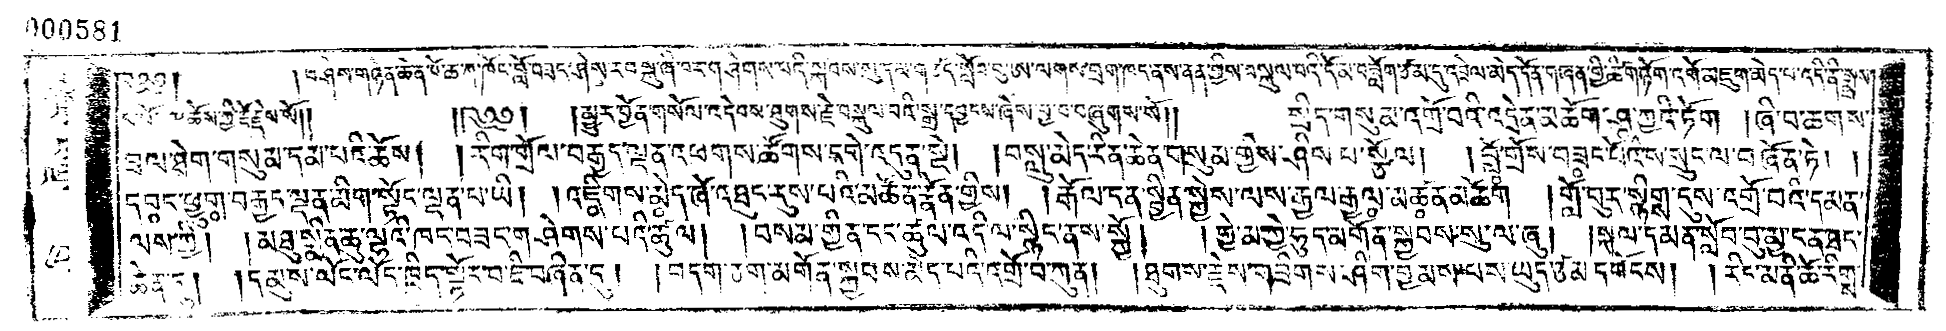༄༅། །བཤེས་གཉེན་ཆེན་པོ་ཆ་ཀ་ཁོང་བློ་བཟང་ཤེས་རབ་སྐུ་ཞི་བར་གཤེགས་པའི་སྐབས་སུ་དམ་གཙང་སློབ་བུ་ཨ་ལགས་བྲག་ཁང་ནས་ནན་གྱིས་བསྐུལ་བའི་ངོ་མ་བཟློག་ཙམ་དུ་འབྲེལ་མེད་དོན་གཞན་གྱི་ཚིག་ཉོག་འགོ་མཇུག་མེད་པ་འདི་ནི་སྨྲས་
པ་པོ་༧་ཆོས་ཀྱི་རྡོ་རྗེས་སོ།། །། ༄༅། །མྱུར་བྱོན་གསོལ་འདེབས་ཐུགས་རྗེ་བསྐུལ་བའི་སྒྲ་དབྱངས་ཞེས་བྱ་བ་བཞུགས་སོ།། སྲིད་གསུམ་འགྲོ་བའི་འདྲེན་མཆོག་ཤཱ྾་ཀྱའི་ཏོག །ཞི་བ་ཆགས་
བྲལ་ཐེག་གསུམ་དམ་པའི་ཆོས། །རིག་གྲོལ་བརྒྱད་ལྡན་འཕགས་ཚོགས་དགེ་འདུན་སྡེ། །བསླུ་མེད་རིན་ཆེན་གསུམ་གྱིས་ཤིས་པ་སྩོལ། །བློ྾་གྲོས་བཟང྾་པོའི་ས་སྲུང་ལ་བཞོན་ཏེ། །
དབང྾་ཕྱུག྾་བརྒྱད་ལྡན་མིག་སྟོང་ལྡན་པ་ཡི། །འཇིགས྾་མེད྾་ཞོ་འཐུང་རུས་པའི་མཚོན་རྣོན་གྱིས། །རྒོལ་ངན་སྦྱིན་སྐྱེས་ལས་རྒྱལ་རྒྱལ྾་མཚན྾་མཆོག །གློ་བུར་སྙིགས་དུས་འགྲོ་བའི་དམན་
ལས་ཀྱི། །མཐུ་སྨིན་ཆུ་ལྷའི་ཁང་བཟང་གཤེགས་པའི་ཚུལ། །བསམ་གྱིན་ངང་ཚུལ་འདི་ལ་སྙིང་ནས་སྐྱོ། །ཀྱེ་མ་ཀྱེ་ཧུད་མགོན་སྐྱབས་སུ་ལ་ཞུ། །སྐལ་དམན་སློབ་བུ་མྱ་ངན་ཐང་
ཆེན་དུ། །དམུས་ལོང་ལོང་ཁྲིད་སྟོར་བ་ཇི་བཞིན་དུ། །བདག་ཅག་མགོན་སྐྱབས་མེད་པའི་འགྲོ་བ་ཀུན། །ཐུགས་རྗེས་གཟིགས་ཤིག་བྱམས་པས་ཡུད་ཙམ་དགོངས། །རིང་མིན་ཆོ་རིགས་